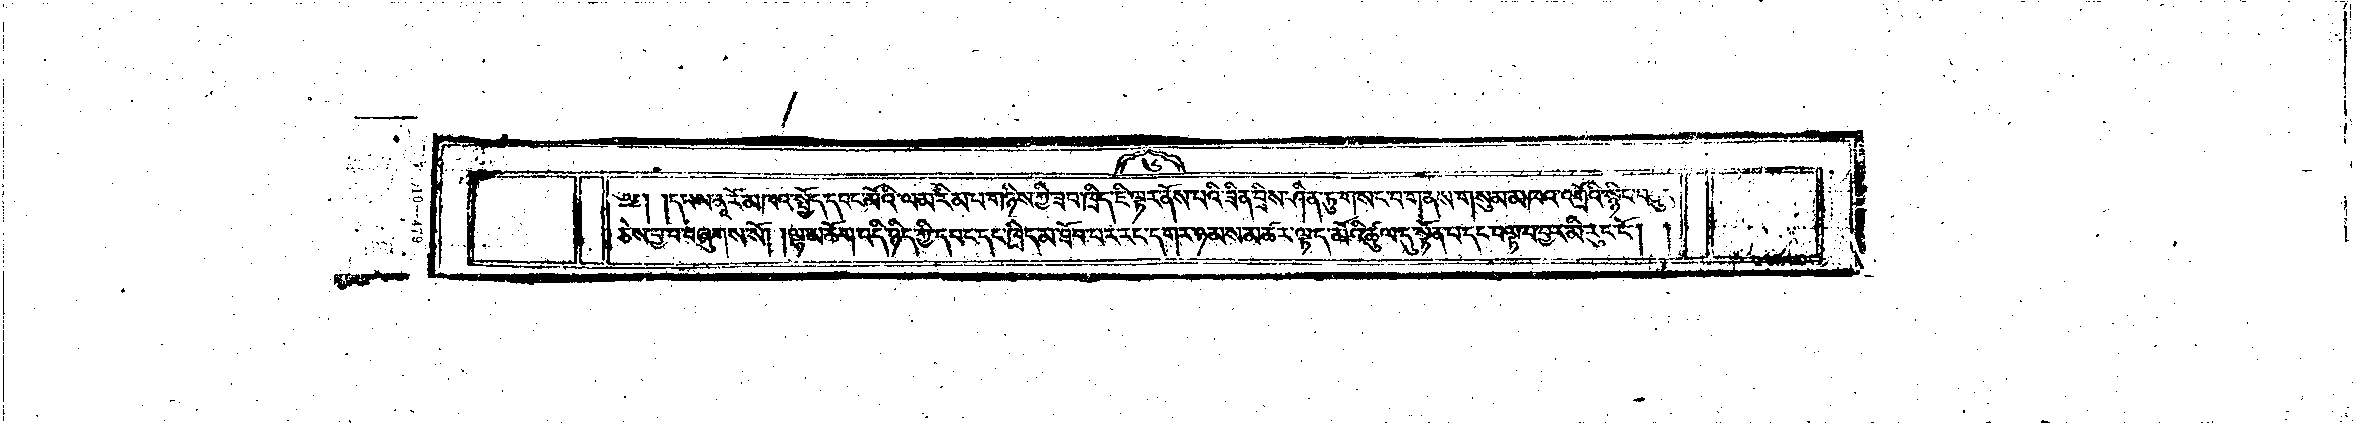༼༦༽ ༄༅། །དཔལ་ནཱ་རོ་མཁའ་སྤྱོད་དབང་མོའི་ལམ་རིམ་པ་གཉིས་ཀྱི་ཟབ་ཁྲིད་ཇི་ལྟར་ནོས་པའི་ཟིན་བྲིས་ཤིན་ཏུ་གསང་བ་གནས་གསུམ་མཁའ་འགྲོའི་སྙིང་བཅུད་
ཅེས་བྱ་བ་བཞུགས་སོ། །ལྷ་མཆོག་འདི་ཉིད་ཀྱི་དབང་དང་ཁྲིད་མ་ཐོབ་པར་རང་དགར་ཉམས་མཚར་ལྟད་མོའི་ཚུལ་དུ་སྟོན་པ་དང་བལྟ་བ་བྱར་མི་རུང་ངོ། །